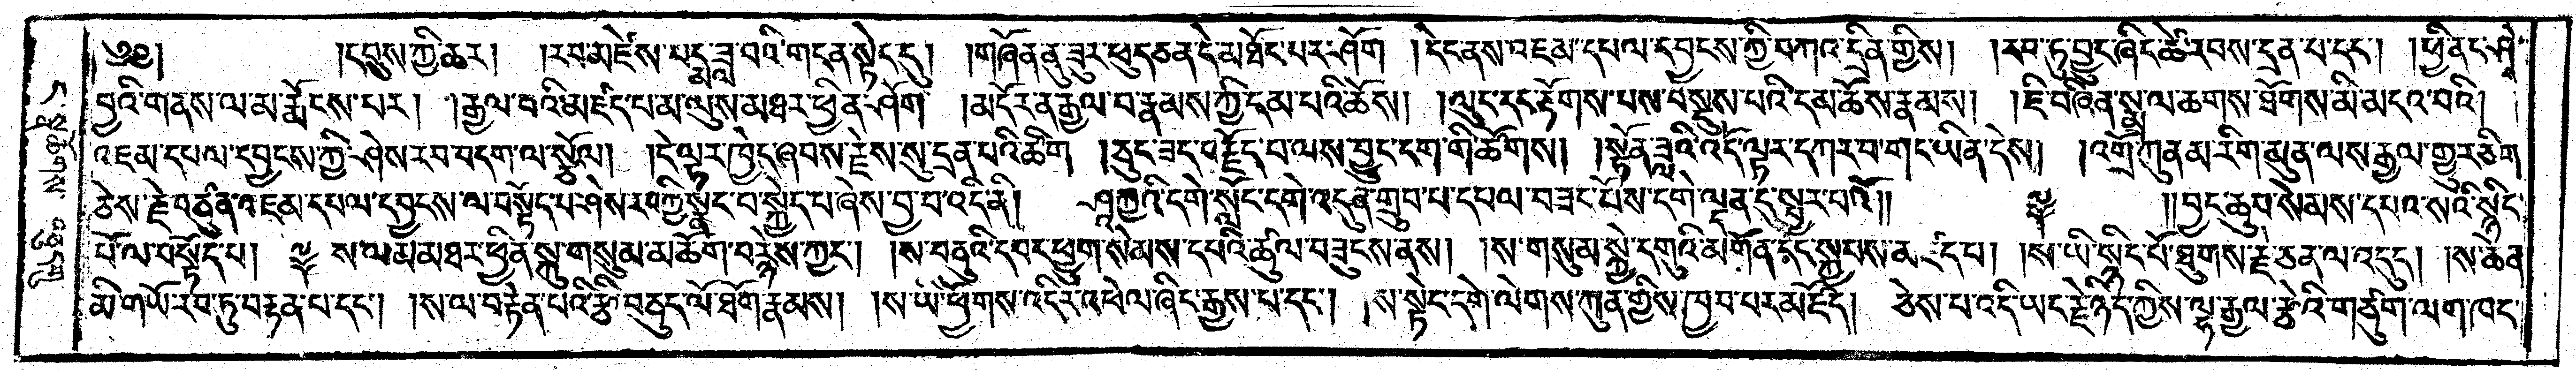༄༅། །དབུས་ཀྱི་ཆར། །རབ་མཛེས་པདམ་ཟླ་བའི་གདན་སྟེང་གདུ། །གཞོན་ནུ་ཟུར་ཕུད་ཅན་དེ་མཐོང་པར་ཤོག །དེང་ནས་འཇམ་དཔལ་དབྱངས་ཀྱི་བཀའ་དྲིན་གྱིས། །རབ་ཏུ་བྱུང་ཞིང་ཚེ་རབས་དྲན་པ་དང་། །ཕྱི་ནང་ཤེས་
བྱའི་གནས་ལ་མ་རྨོངས་པར། །རྒྱལ་བའི་མཛད་པ་མ་ལུས་མཐར་ཕྱིན་ཤོག །མདོར་ན་རྒྱལ་བ་རྣམས་ཀྱི་དམ་པའི་ཆོས། །ལུང་དང་རྟོགས་པས་བསྡུས་པའི་དམ་ཆོས་རྣམས། །ཇི་བཞིན་སྨྲ་ལ་ཆགས་ཐོགས་མི་མངའ་བའི། །
འཇམ་དཔལ་དབྱངས་ཀྱི་ཤེས་རབ་བདག་ལ་སྩོལ། །དེ་ལྟར་ཁྱེད་ཞབས་རྗེས་སུ་དྲན་པའི་ཚིག །ཅུང་ཟད་བརྗོད་པ་ལས་བྱུང་ངག་གི་ཚོགས། །སྟོན་ཟླའི་འོད་ལྟར་དཀར་བ་གང་ཡིན་དེས། །འགྲོ་ཀུན་མ་རིག་མུན་ལས་རྒྱལ་གྱུར་ཅིག་
ཅེས་རྗེ་བཙུན་འཇམ་དཔལ་དབྱངས་ལ་བསྟོད་པ་ཤེས་རབ་ཀྱི་སྣང་བ་སྐྱེད་པ་ཞེས་བྱ་བ་འདི་ནི། ཤཱཀྱའི་དགེ་སློང་དགེ་འདུན་གྲུབ་པ་དཔལ་བཟང་པོས་དགེ་ལྡན་དུ་སྦྱར་བའོ།། ༈ །།བྱང་ཆུབ་སེམས་དཔའ་སའི་སྙིང་
པོ་ལ་བསྟོད་པ། ༈ ས་ལམ་མཐར་ཕྱིན་སྐུ་གསུམ་མཆོག་བརྙེས་ཀྱང་། །ས་བཅུའི་དབང་ཕྱུག་སེམས་དཔའི་ཚུལ་བཟུངས་ནས། །ས་གསུམ་སྐྱེ་དགུའི་མགོན་དང་སྐྱབས་མཛད་པ། །ས་ཡི་སྙིང་པོ་ཐུགས་རྗེ་ཅན་ལ་འདུད། །ས་ཆེན་
མི་གཡོ་རབ་ཏུ་བརྟན་པ་དང་། །ས་ལ་བརྟེན་པའི་རྩི་བཅུད་ལོ་ཐོག་རྣམས། །ས་ཡི་ཕྱོགས་འདིར་འཕེལ་ཞིང་རྒྱས་པ་དང་། །ས་སྟེང་དགེ་ལེགས་ཀུན་གྱིས་ཁྱབ་པར་མཛོད། །ཅེས་པ་འདི་ཡང་རྗེ་ཉིད་ཀྱིས་ལྷ་རྒྱལ་རྩེའི་གཙུག་ལག་ཁང་